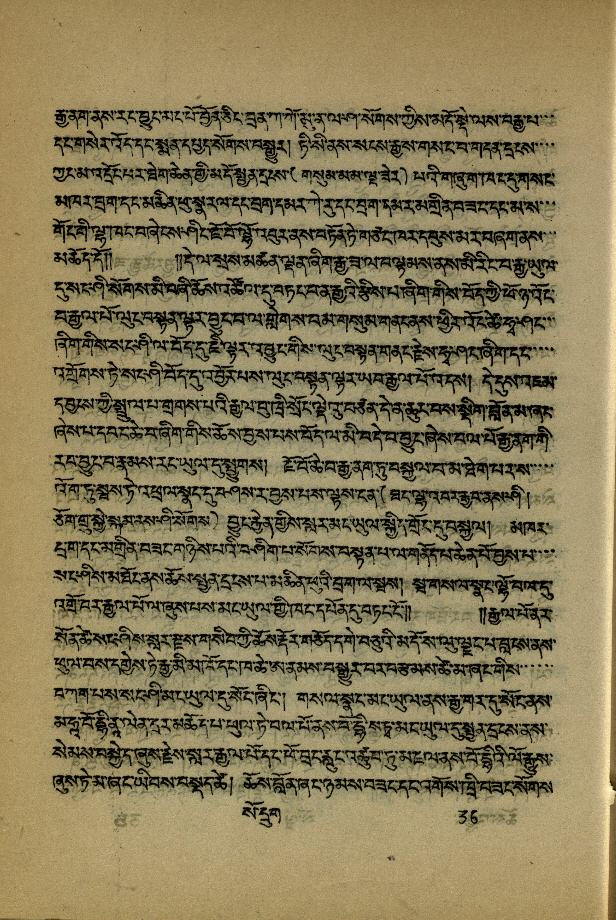རྒྱ་ནག་ནས་རང་བྱུང་མང་པོ་བྱོན་ཅིང་བྲན་ཀ་ཀོ་མུ་ན་ལ་ཤ་སོགས་ཀྱིས་མདོ་སྡེ་ལས་བརྒྱ་པ་
དང་གསེར་འོད་དང་སྨན་དཔྱད་སོགས་བསྒྱུར། ཏི་སི་ནས་སངས་རྒྱས་གསང་བ་གདན་དྲངས་
ཀྱང་མ་འདྲོང་པར་ཐེག་ཆེན་གྱི་མདོ་སྤྱན་དྲངས་གསུམ་མ་མ་ལྔ་ཟེར་པའི་གཞུག་ཁང་དུ་གསང་
མཁར་བྲག་དང་མཆིན་ཕུ་སྣ་རལ་དང་བྲག་དམར་ཀེ་རུ་དང་བྲག་དམར་མགྲིན་བཟང་དང་མ་ས་
གོང་གི་ལྷ་ཁང་བཞེངས་ཤིང་ཇོ་བོ་ལྷོ་འབུར་ནས་བཏོན་ཏེ་གཙང་ཁང་དབུས་མར་བཞག་ནས་
མཆོད་དོ།། །།དེ་ལ་སྲས་མཚན་ལྡན་ཞིག་རྒྱ་ཟ་ལ་བལྟམས་ནས་མི་རིང་བ་རྒྱ་ཡུལ་
དུ་སང་ཤི་སོགས་མི་བཞི་ཆོས་འཚོལ་དུ་བཏང་བ་ན་རྒྱའི་རྩིས་པ་ཞིག་གིས་བོད་ཀྱི་ཕོ་ཉ་འོང་
བ་རྒྱལ་པོ་ལུང་བསྟན་ལྟར་བྱུང་བ་ལ་གླེགས་བམ་གསུམ་གནང་ནས་ཕྱིར་འོང་ཚེ་ཧྭ་ཤང་
ཞིག་གིས་སང་ཤི་ལ་བོད་དུ་ཇི་ལྟར་འབྱུང་གིས་ལུང་བསྟན་གང་རྗེས་ཧྭ་ཤང་ཞིག་དང་
འགྲོགས་ཏེ་སང་ཤི་བོད་དུ་འབྱོར་པས་ལུང་བསྟན་ལྟར་ཡབ་རྒྱལ་པོ་འདས། དེ་དུས་འཇམ་
དབྱངས་ཀྱི་སྤྲུལ་པ་གྲགས་པའི་རྒྱལ་བུ་ཁྲི་སྲོང་ལྡེའུ་བཙན་དེ་ན་ཆུང་བས་སྡིག་བློན་མ་ཞང་
ཞེས་པ་དབང་ཆེ་བ་ཞིག་གི་ཆོས་བྱས་པས་བོད་ལ་མི་བདེ་བ་བྱུང་ཞེས་བལ་པོ་རྒྱ་ནག་གི་
རབ་བྱུང་བ་རྣམས་རང་ཡུལ་དུ་སྤྱུགས། ཇོ་བོ་ཆེ་བ་རྒྱ་ནག་ཏུ་བསྐྱལ་བ་མ་ཐེག་པར་ས་
འོག་ཏུ་སྦས་ཏེ་འཕྲལ་སྣང་དུ་བཤས་ར་བྱས་པས་ལྟས་ངན་ཐང་ལྷ་འབར་རྒྱབ་ནས་ཤི།
ཅོག་གྲུ་སྐྱེས་སྐམ་ནས་ཤི་སོགས་བྱུང་རྐྱེན་གྱིས་སླར་མང་ཡུལ་སྐྱིད་གྲོང་དུ་བསྐྱལ། མཁར་
བྲག་དང་མགྲིན་བཟང་གཉིས་པའི་བཤིག་པ་སོགས་བསྟན་པ་ལ་གནོད་པ་ཆེན་པོ་བྱས་པ་
སང་ཤིས་མཐོང་ནས་ཆོས་སྤྱན་དྲངས་པ་མཆིན་ཕུའི་བྲག་ལ་སྦས། སྦ་གསལ་སྣང་ལྷོ་བ་ལ་དུ་
འགྲོ་བར་རྒྱལ་པོ་ལ་ཞུས་པས་མང་ཡུལ་གྱི་ཁང་དཔོན་དུ་བཏང་ངོ།། །།རྒྱལ་པོ་ནང་
སོན་ཚེ་སང་ཤིས་སླར་རྫས་གསིབ་ཀྱི་ཆོས་རྡོ་གཅོད་དགེ་བཅུའི་མདོ་ས་ལུ་ལྗང་པ་བླངས་ནས་
ཕུལ་བས་དགྱེས་ཏེ་རྒྱ་མི་མཁོ་དང་ཁ་ཆེ་ཨ་རྣམས་བསྒྱུར་བར་བརྩམས་ཚེ་མ་ཞང་གིས་
བཀག་པས་སངས་ཤི་མང་ཡུལ་དུ་སོང་ཞིང་། །གསལ་སྣང་མང་ཡུལ་ནས་རྒྱ་གར་དུ་སོང་ནས་
མ་ཧཱ་བོ་དྷི་ནཱ་ལེན་དྲར་མཆོད་པ་ཕུལ་ཏེ་བལ་པོ་ནས་བོ་དྷི་སྟྭ་མང་ཡུལ་དུ་སྤྱན་དྲངས་ནས་
སེམས་བསྐྱེད་ཞུས་རྗེས་སླར་རྒྱལ་པོ་དང་ཕོ་བྲང་རླུང་འཚུབ་ཏུ་མཇལ་ནས་བོ་དྷིའི་ལོ་རྒྱུས་
ཞུས་ཏེ་མ་ཞང་ཡིབས་བསྡད་ཚེ། ཆོས་བློན་ཞང་ཉམས་བཟང་དང་འགོས་ཁྲི་བཟང་སོགས་